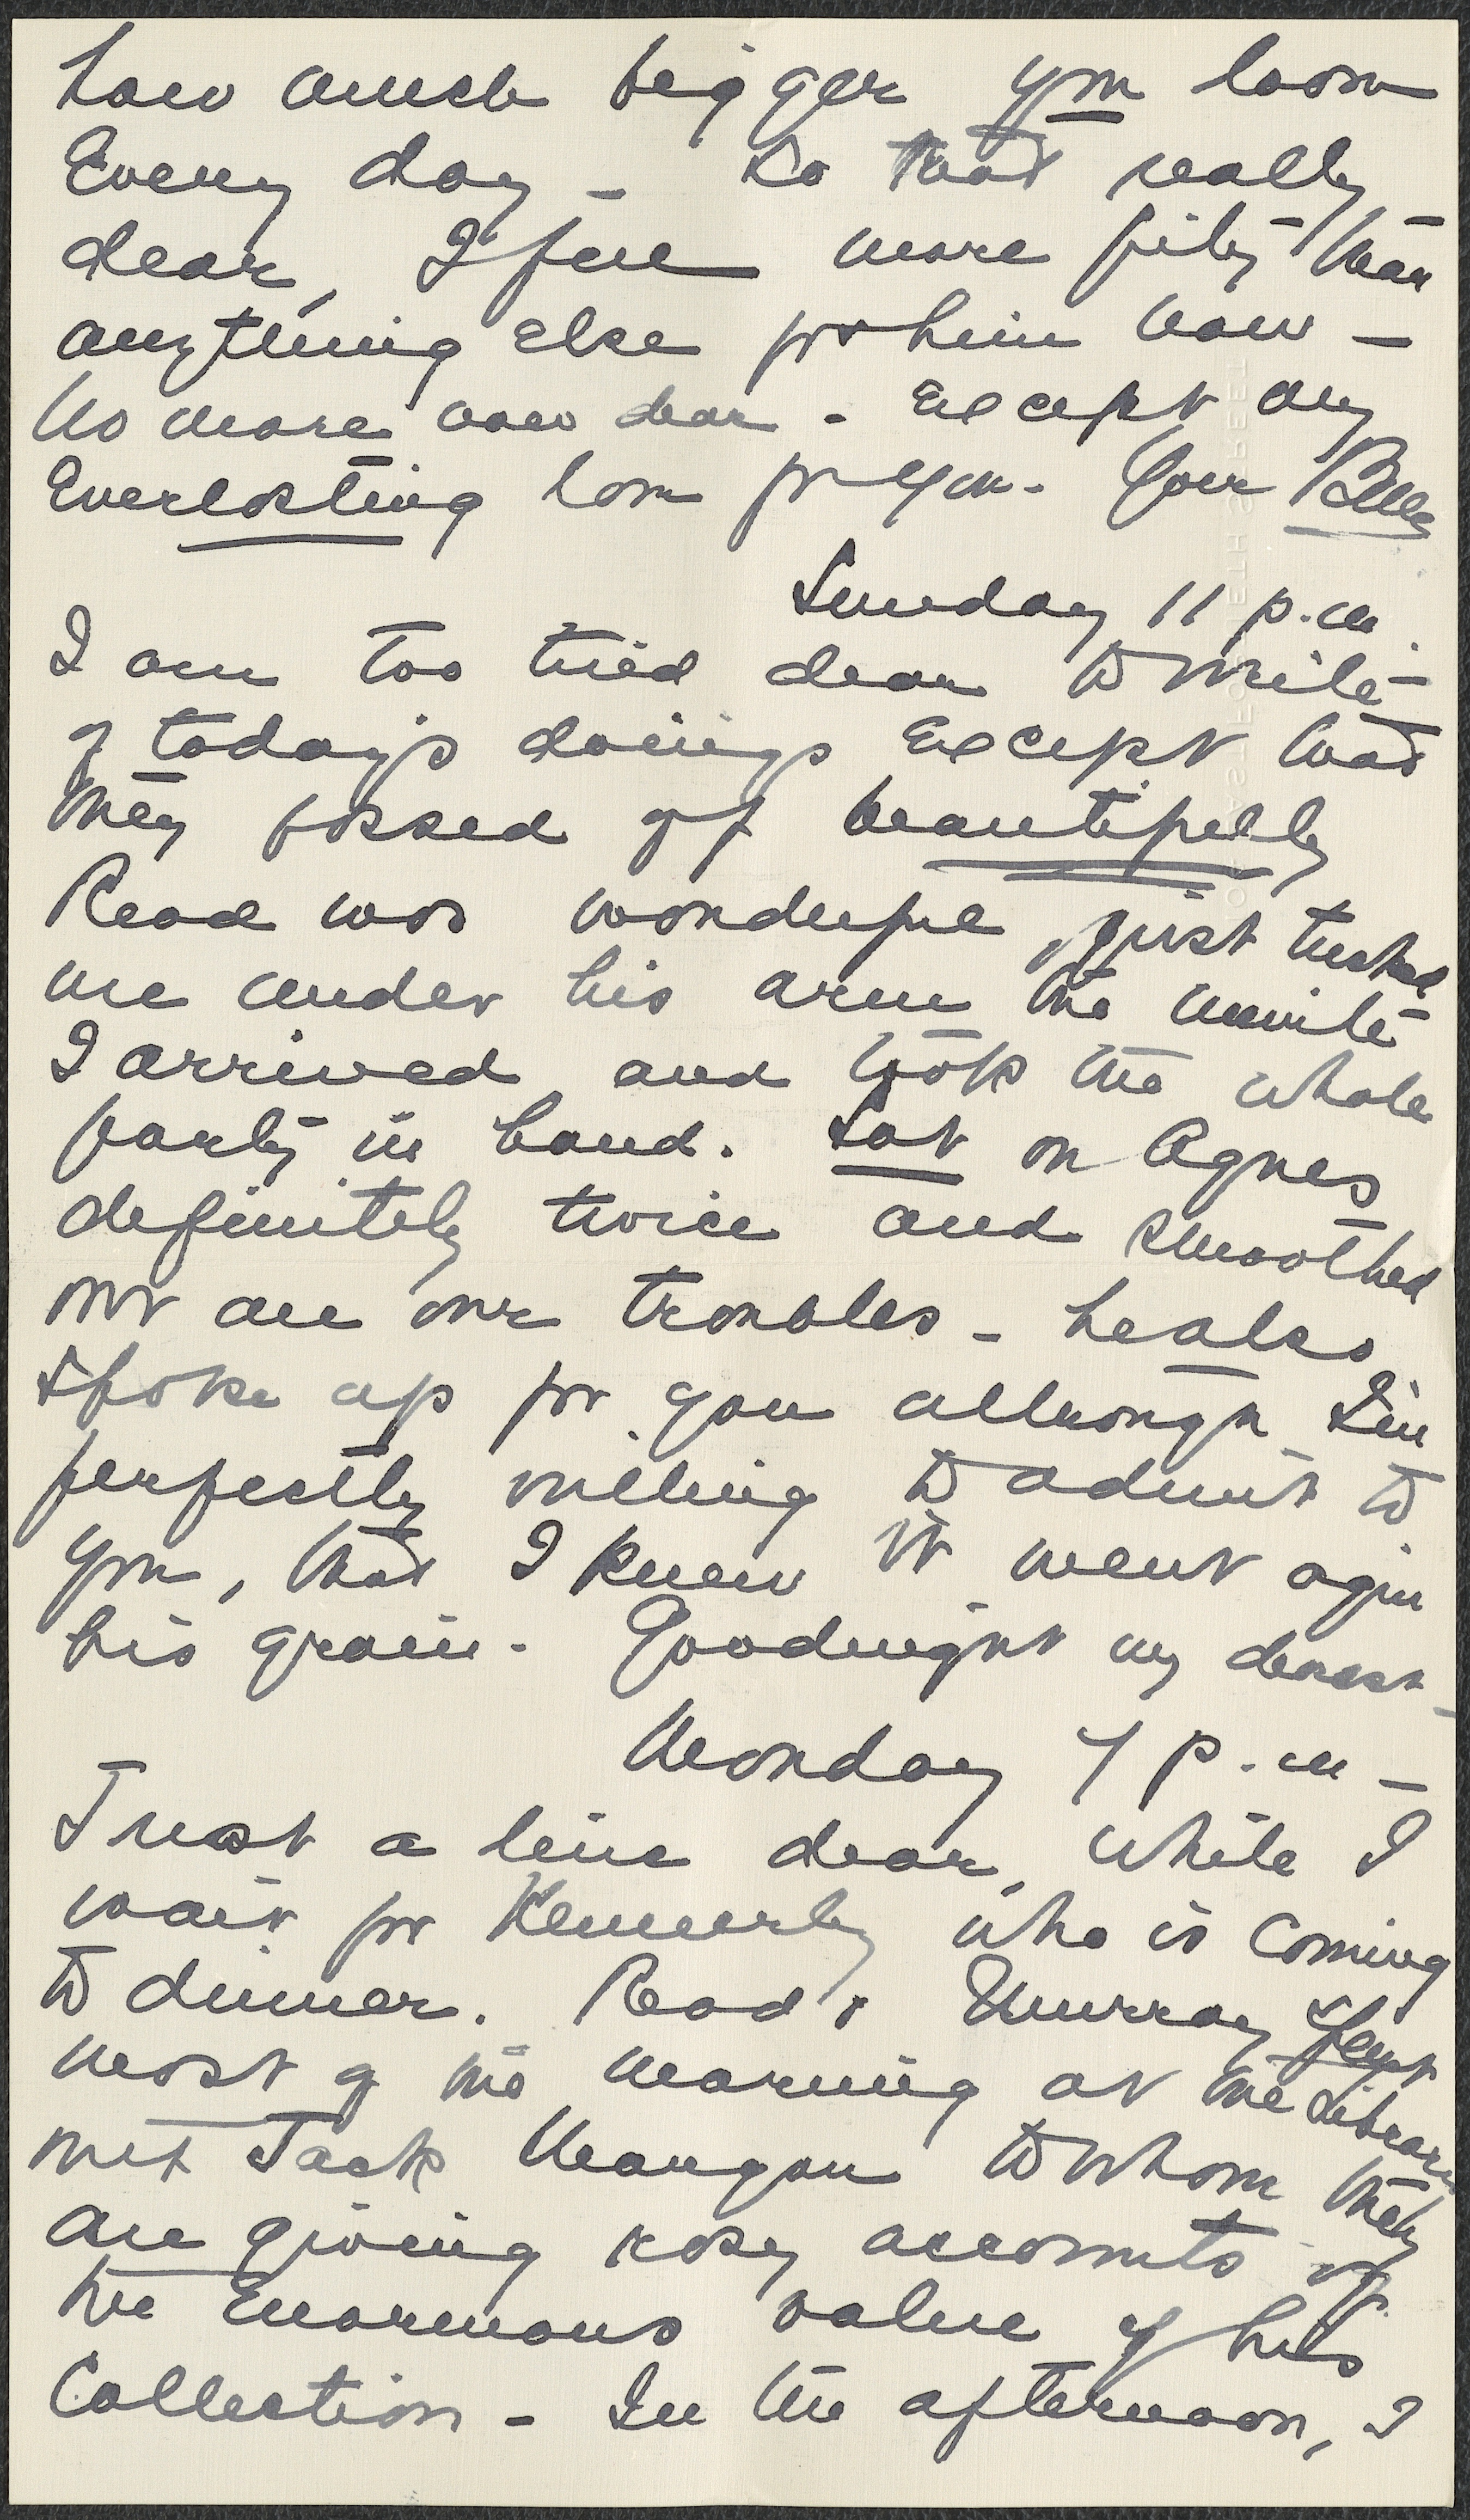how much bigger you loom every day – so that really, dear, I feel more pity than anything else for him now – no more now dear – except my everlasting love for you. Your Belle
Sunday 11 p.m.
I am too tired dear to write – of today's doings except that they passed off [double underlined: beautifully]
Read was wonderful, just tucked me under his arm the minute I arrived and took the whole party in hand. Sat on Agnes definitely twice and smoothed out all our troubles – he also spoke up for you although I'm perfectly willing to admit to you, that I knew it went agin his grain. Goodnight my dearest –
Monday 7 p.m –
Just a line dear, while I wait for Kennerley who is coming to dinner. Read & Murray spent most of the morning at the Library with Jack Morgan to whom they are giving rosy accounts of the enormous value of his collection – In the afternoon, I